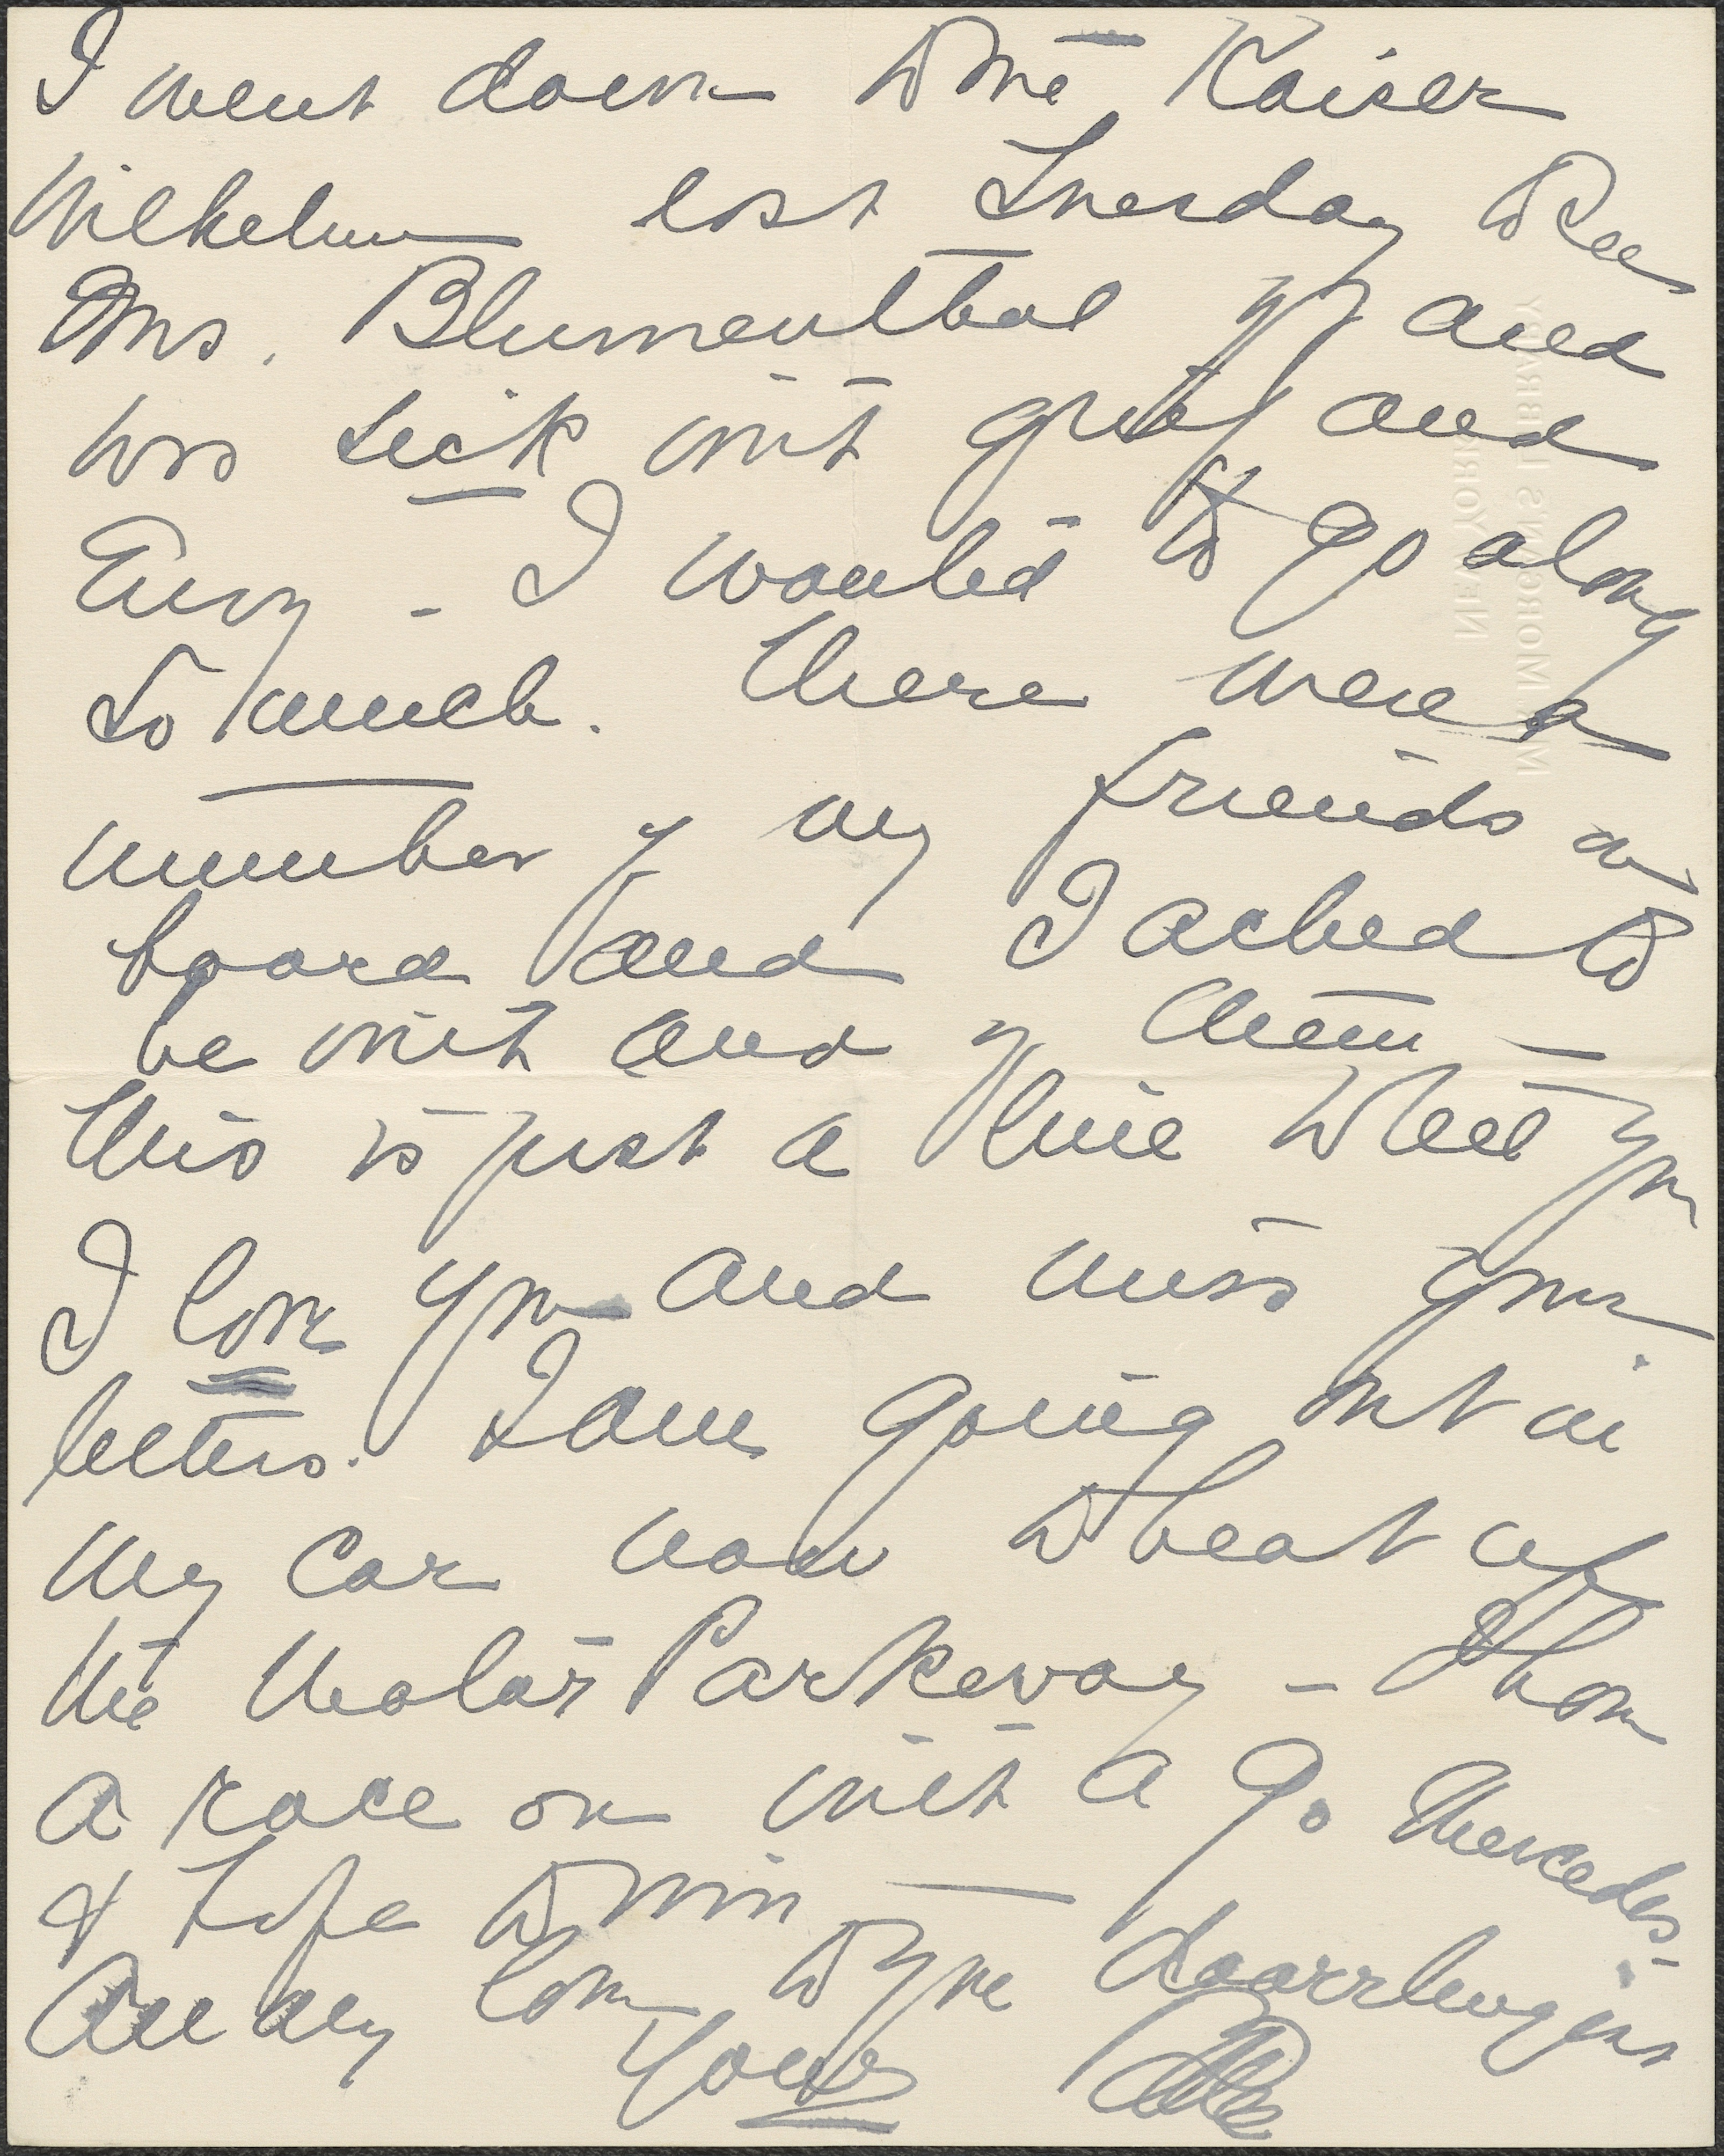I went down to the Kaiser Wilhelm last Tuesday to see Mrs. Blumenthal off and was sick with grief and envy – I wanted to go along so much. There were a number of my friends on board and I ached to be with and of them – this just a line to tell you I [underlined multiple times: love] you and miss your letters. I am going out in my car now to beat up the Motor Parkway – I have a race on with a 90 Mercedes & hope to win –
all my love to you daarrlingest
Your Belle